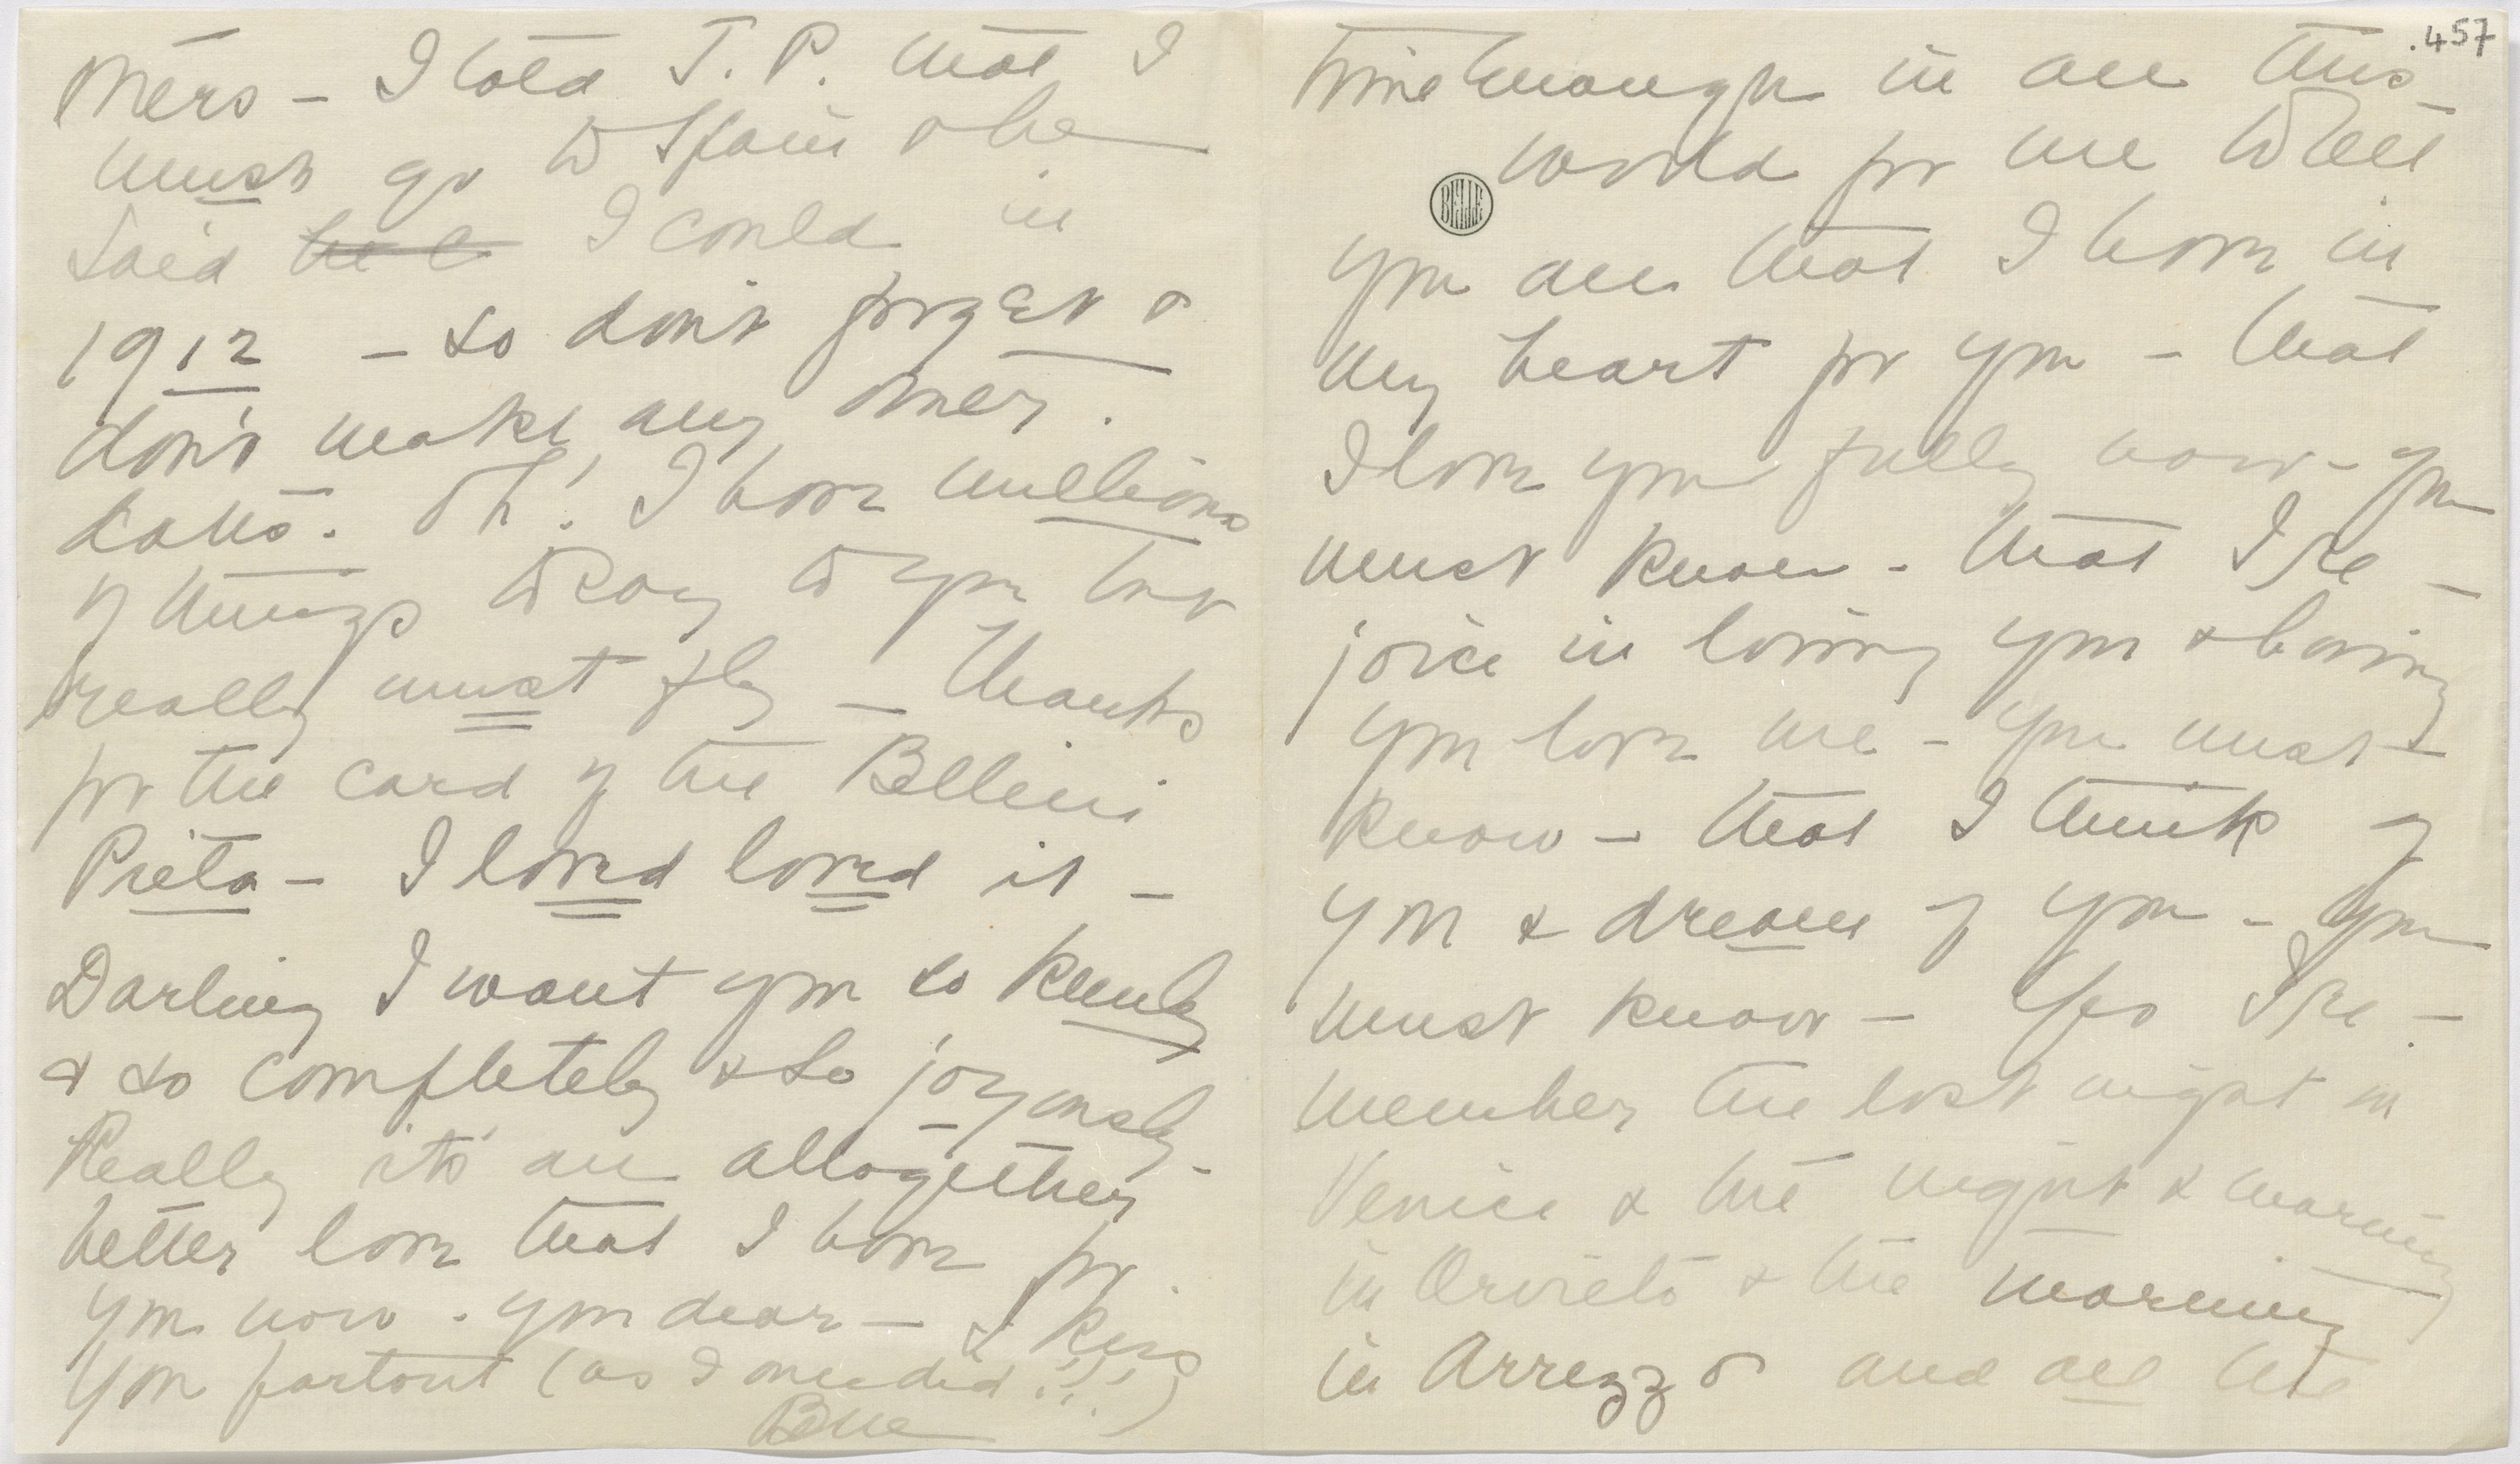time enough in all this world for me to tell you all that I have in my heart for you – that I love you fully now – you must know – that I rejoice in loving you & loving you love me – you must know – that I think of you & dream of you – you must know – Yes I remember the last night in Venice & the night & morning in Orvieto & the morning in Arrezzo [sic] and all the
others – I told J. P. that I must go to Spain & he said he c I could in 1912 – so don’t forget & don’t make any other dates. oh! I have millions of things to say to you but really [double underlined: must] fly – Thanks for the card of the Bellini Pieta – I [double underlined: loved] [double underlined: loved] it – Darling I want you so keenly & so completely & so joyously – Really it’s an altogether better love that I have for you now – you dear - I kiss you partout (as I once did!!!)
Belle